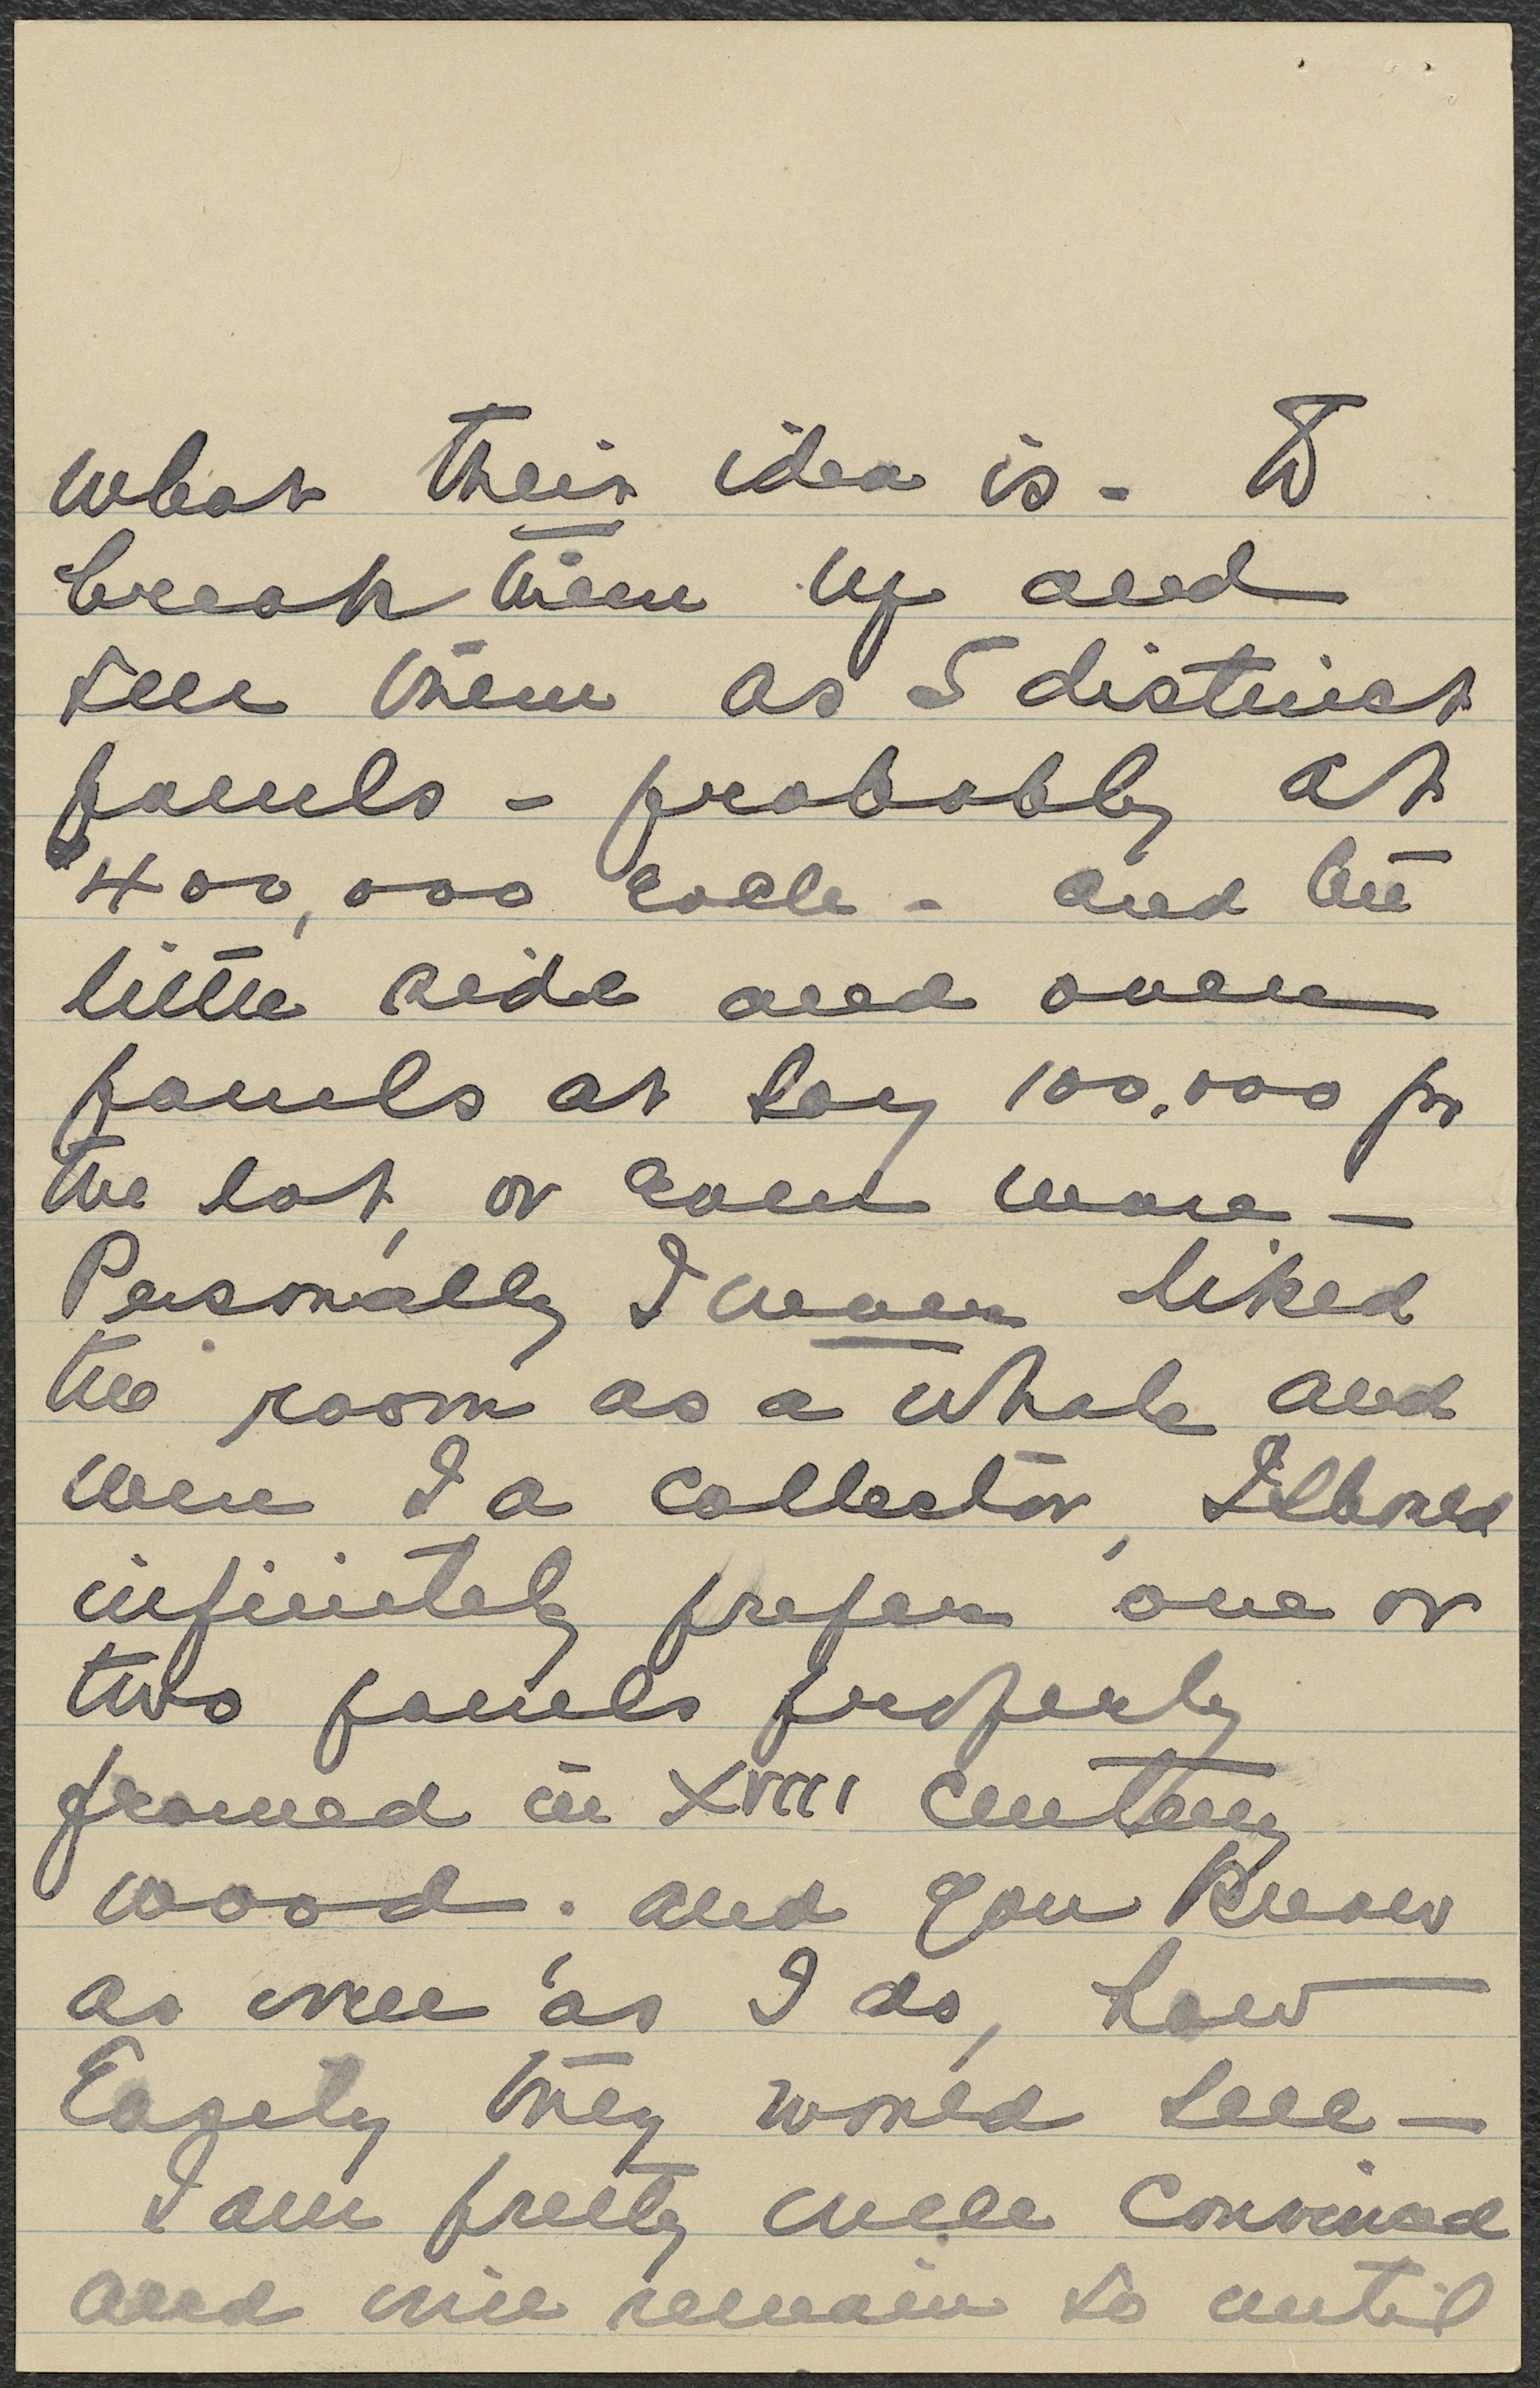what their idea is – to break them up and sell them as 5 distinct panels – probably at 400,000 each – and the little side and over panels at say 100,000 for the lot, or even more – Personally I never liked the room as a whole and were I a collector, I should infinitely prefer one or two panels properly framed in XVIII century wood; and you know as well as I do, how easily they would sell –
I am pretty well convinced and will remain so until